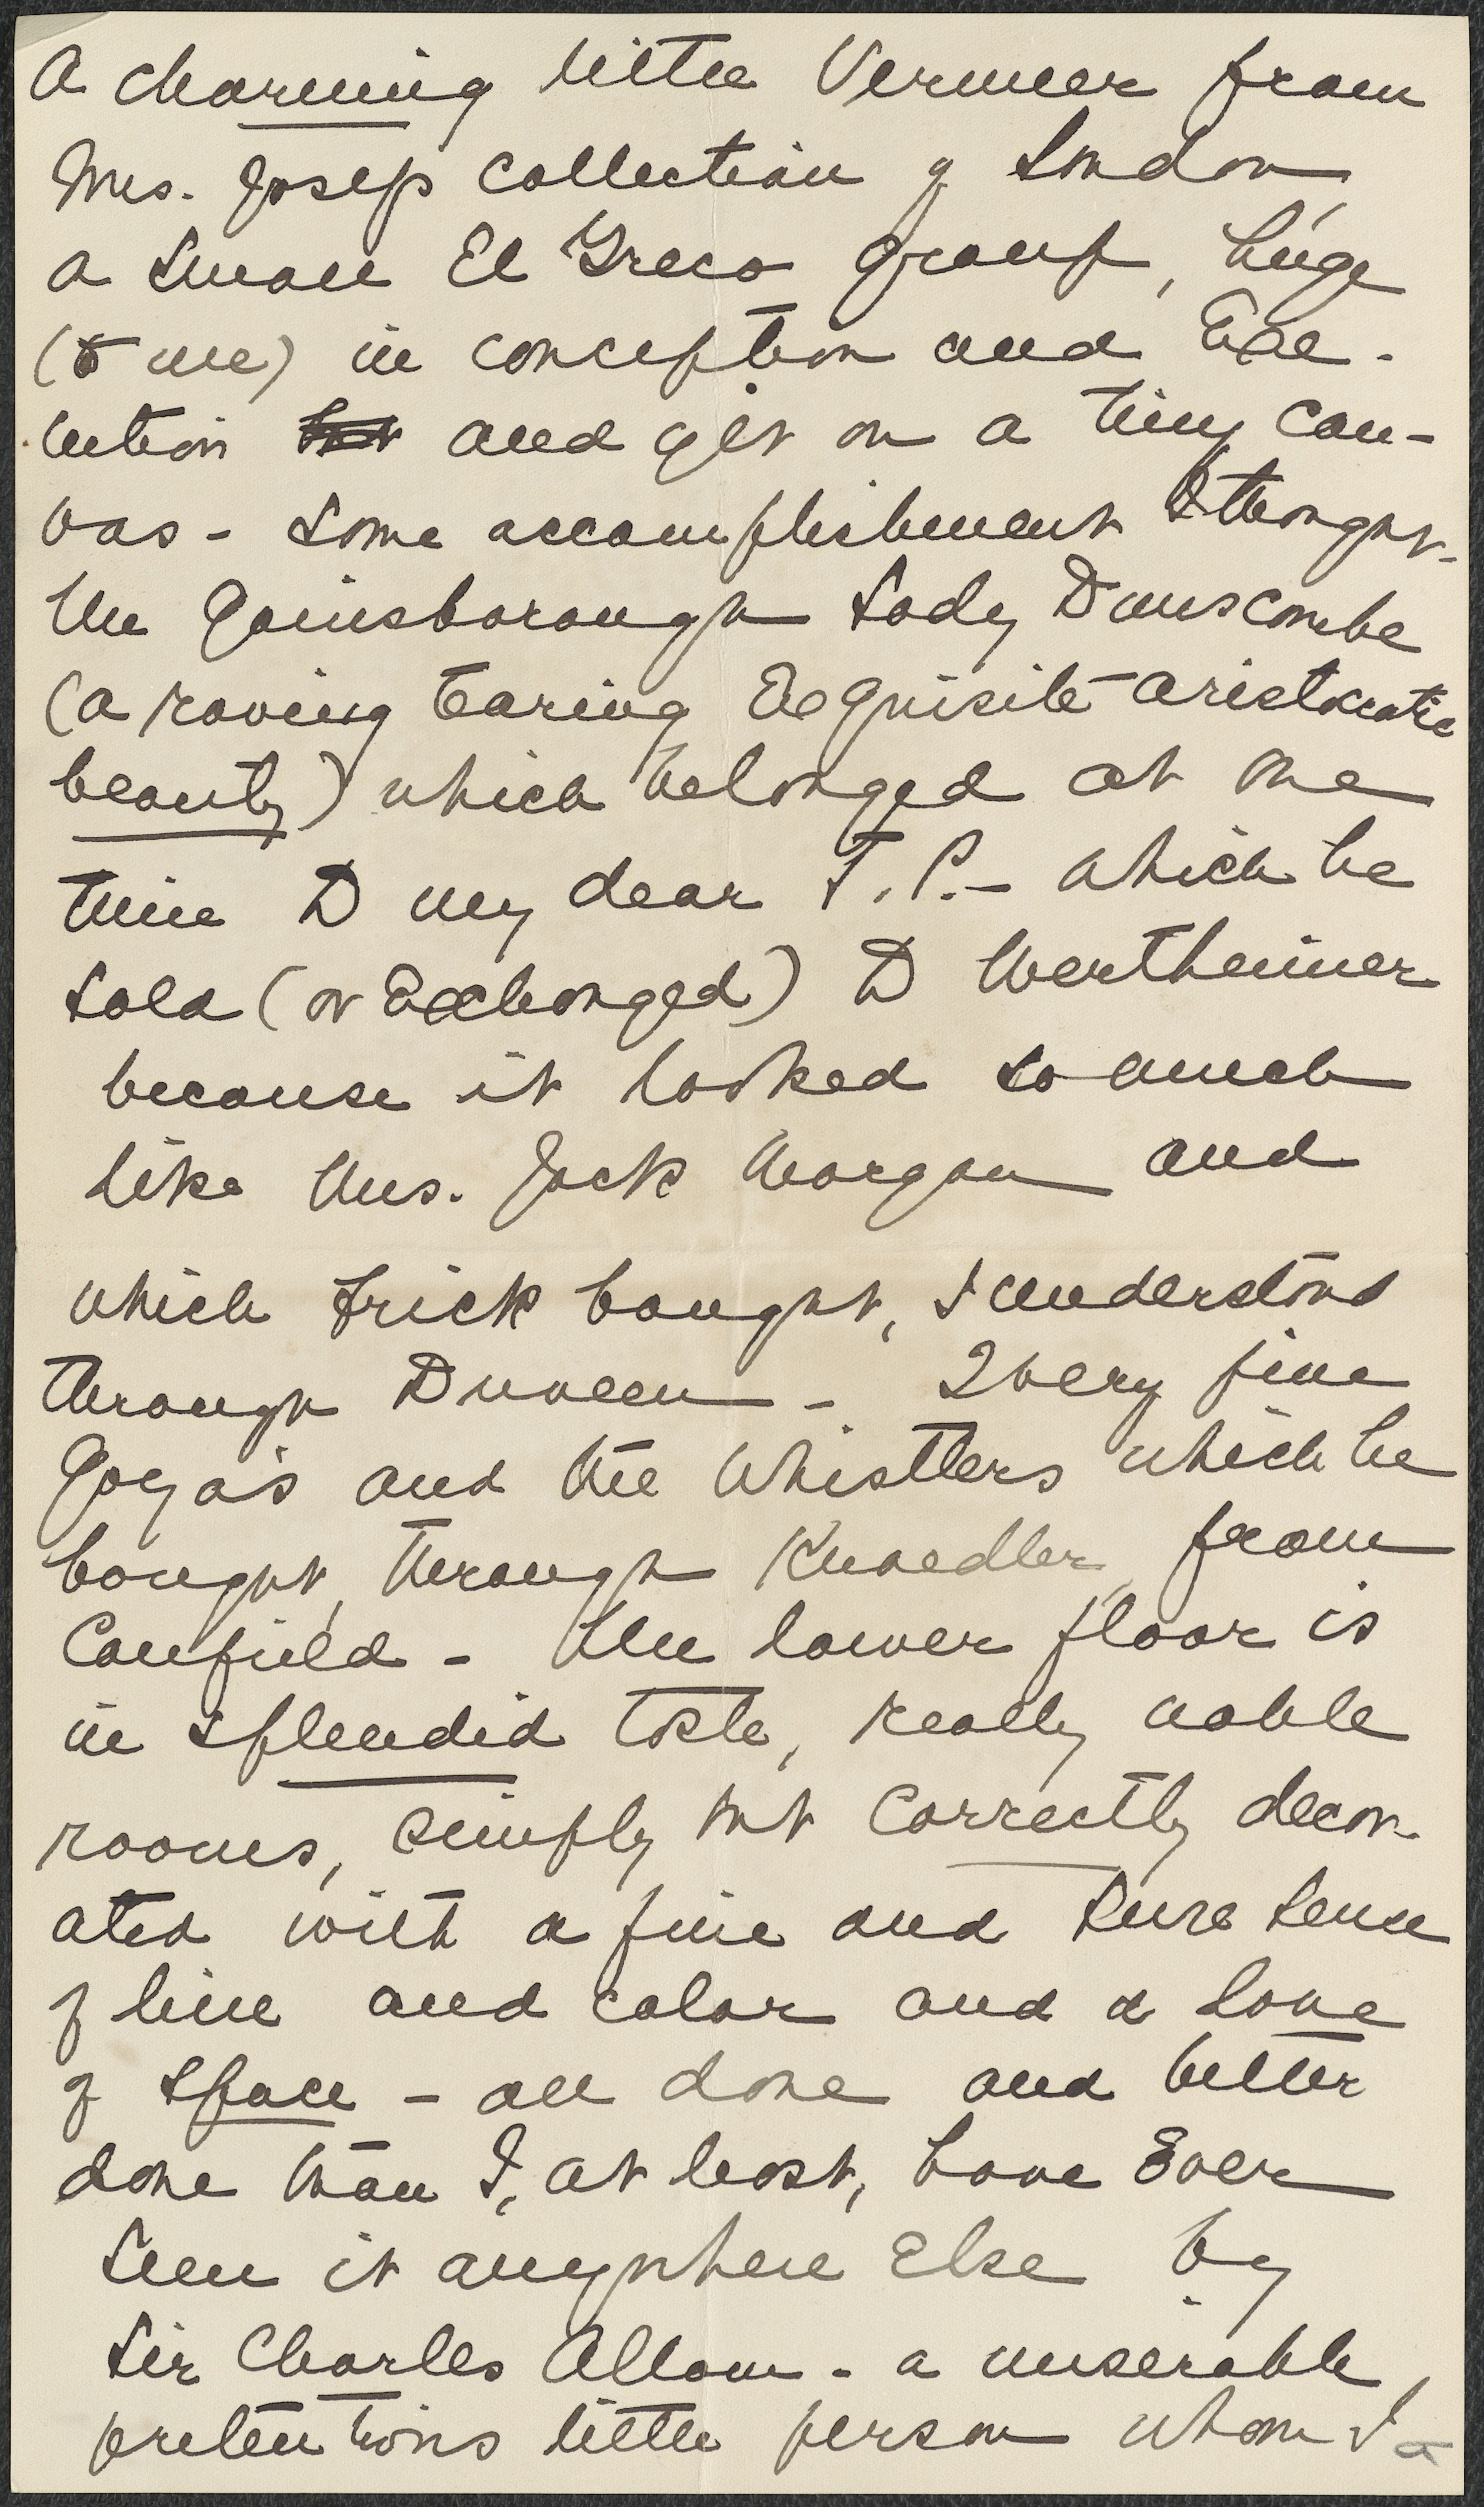a charming little Vermeer from Mrs. Josefs [sic] collection of London, a small El Greco group, huge (to me) in conception and execution but and yet on a tiny canvas – some accomplishment I thought – the Gainsborough Lady Dunscombe (a raving tearing exquisite aristocratic beauty) which belonged at one time to my dear J.P. which he sold (or exchanged) to Wertheimer because it looked so much like Mrs. Jack Morgan and which Frick bought, I understood through Duveen – 2 very fine Goya’s [sic] and the Whistlers which he bought, through Knoedler from Canfield – the lower floor is in splendid taste, really noble rooms, simply but correctly decorated with a fine and sure sense of line and color and a love of space – all done and better done than I, at least, have ever seen it anywhere else by Sir Charles Allom – a miserable pretentious little person whom I